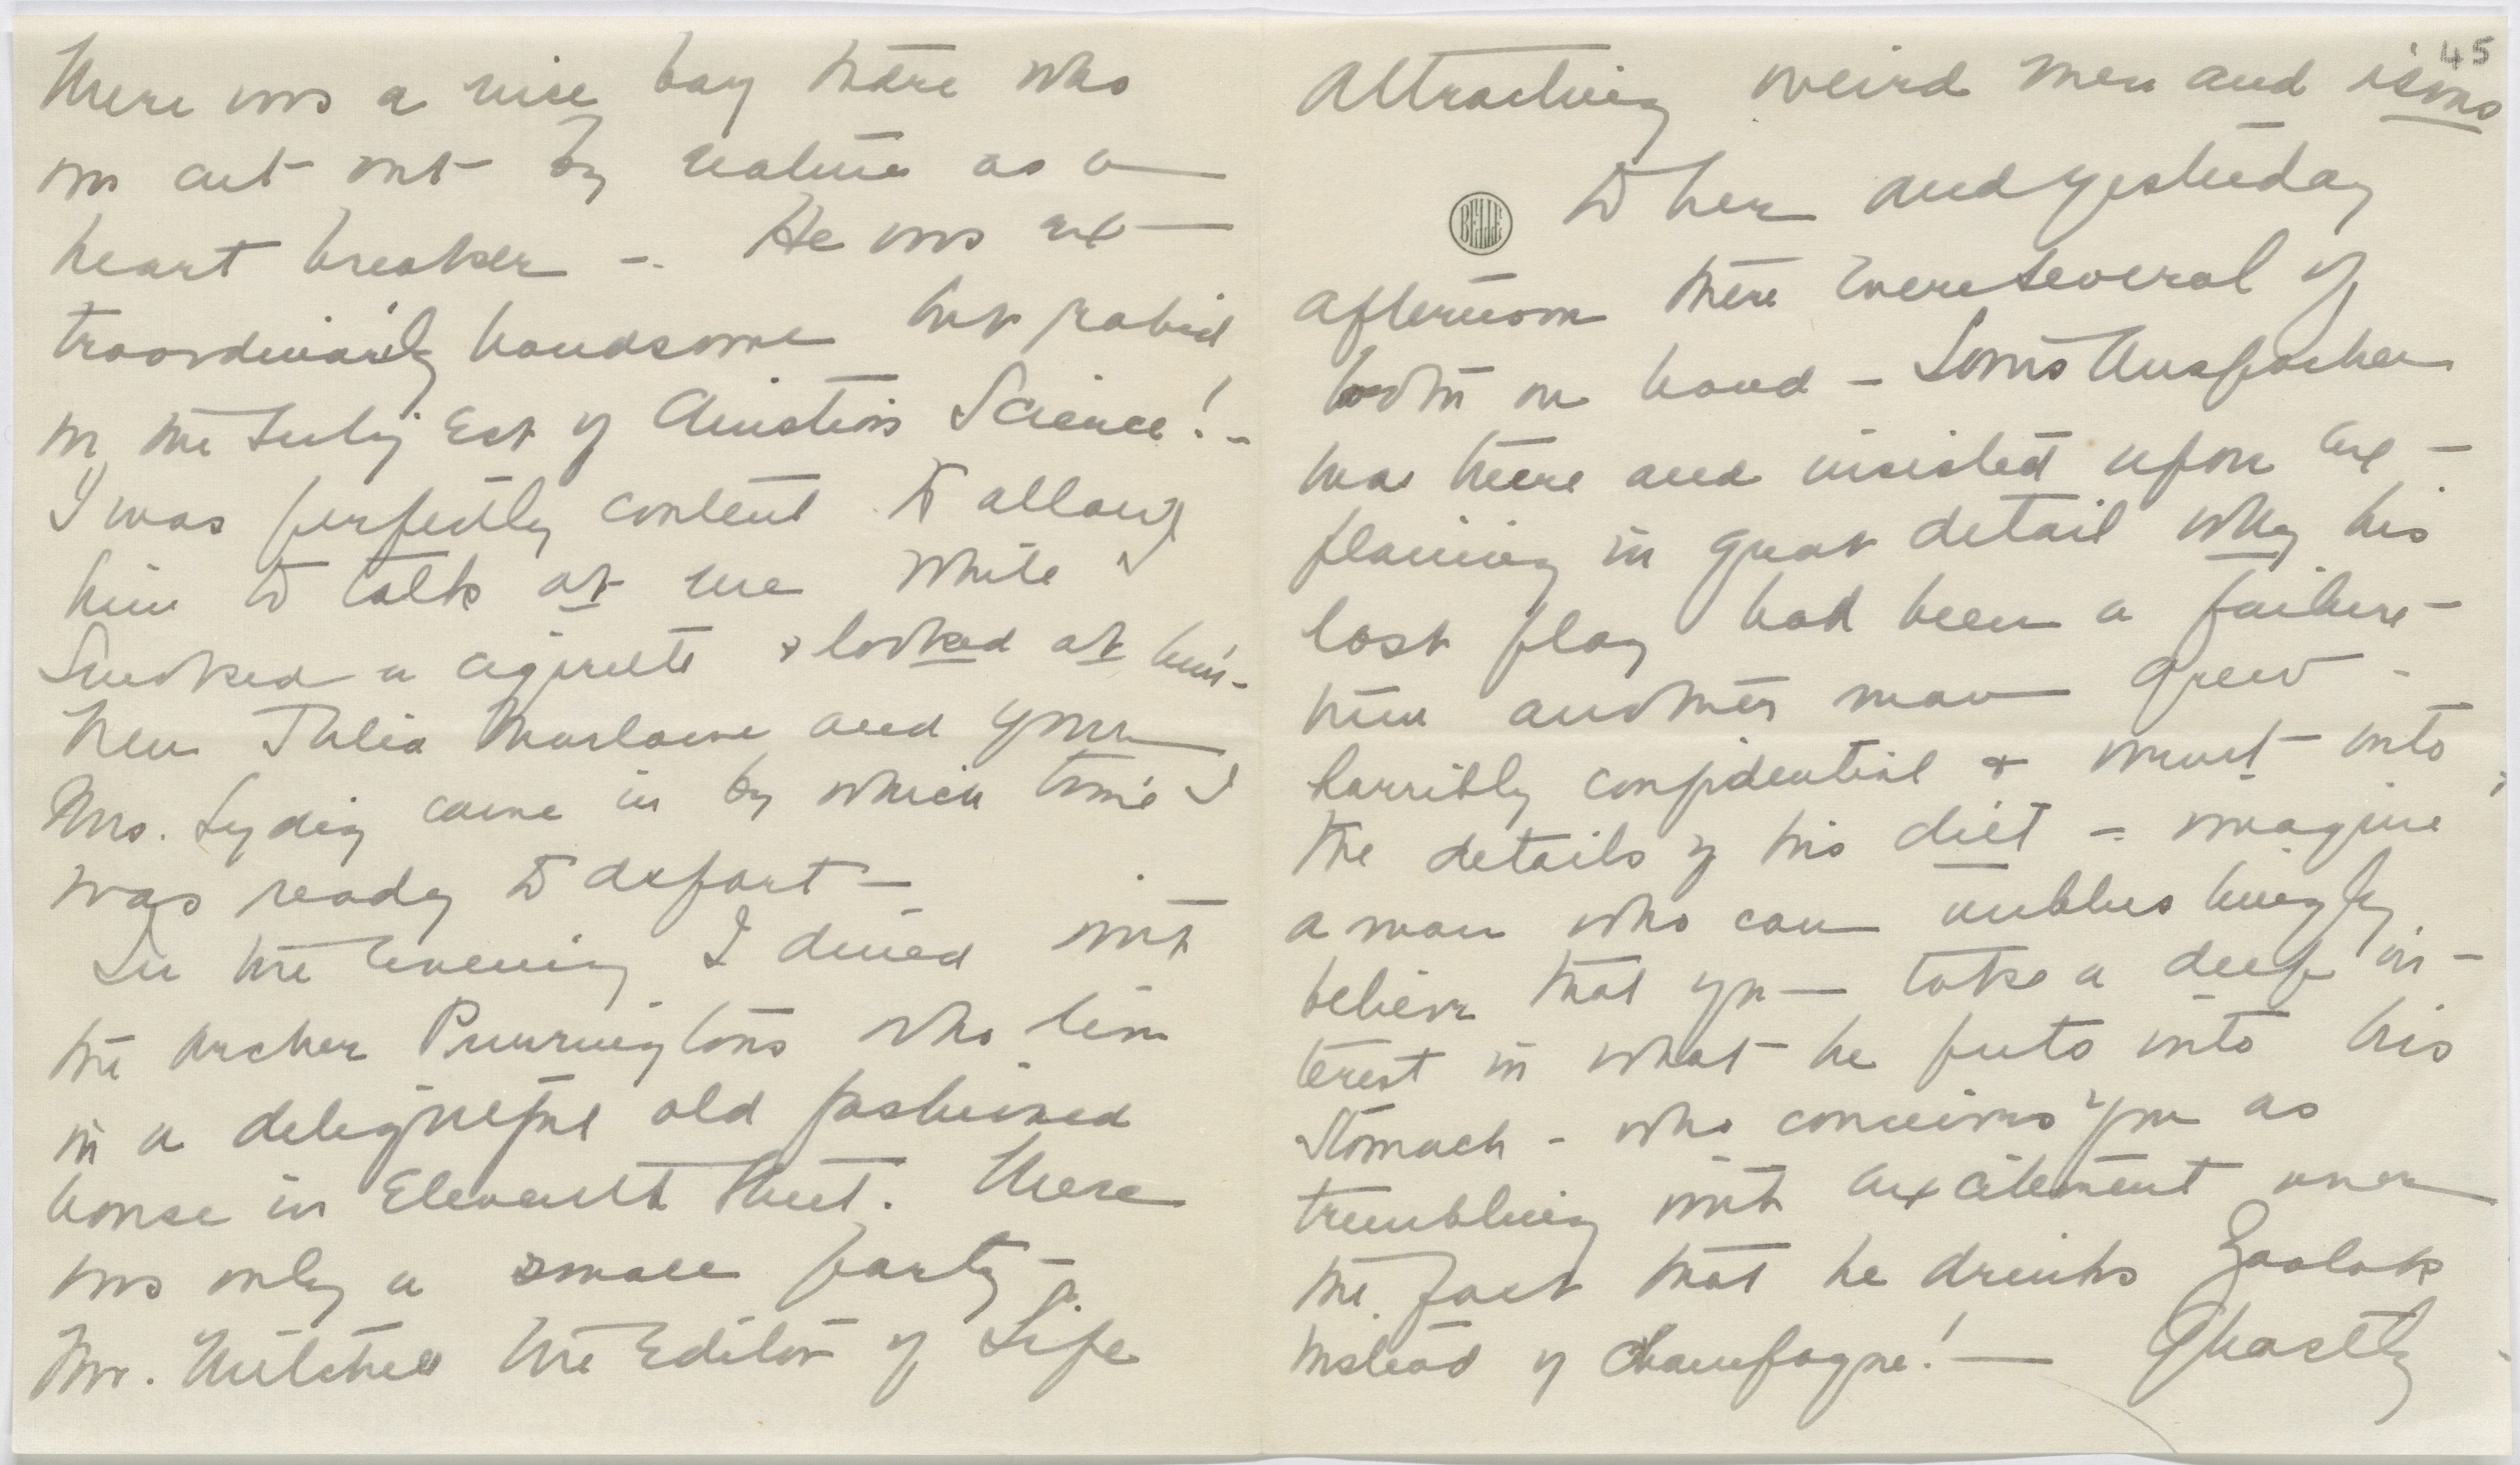attracting weird men and isms to her and yesterday afternoon there were several of both on hand – Louis Anspacher was there and insisted upon explaining in great detail why his last play had been a failure – then another man grew horribly confidential & went into the details of his diet – imagine a man who can unblushingly believe that you – take a deep interest in what he puts into his stomach – who conceives you as trembling with excitement over the fact that he drinks Zoolak instead of champagne! – Ghastly
There was a nice boy there who was cut out by nature as a heart breaker – He was extraordinarily handsome but rabid on the subject of Christian Science! – I was perfectly content to allow him to talk at me while I smoked a cigarette & looked at him – Then Julia Marlowe and your Mrs. Lydig came in by which time I was ready to depart –
In the evening I dined with the Archer Punringtons [sic] who live in a delightful old fashioned house in Eleventh Street. There was only a small party – Mr. Mitchell the Editor of Life